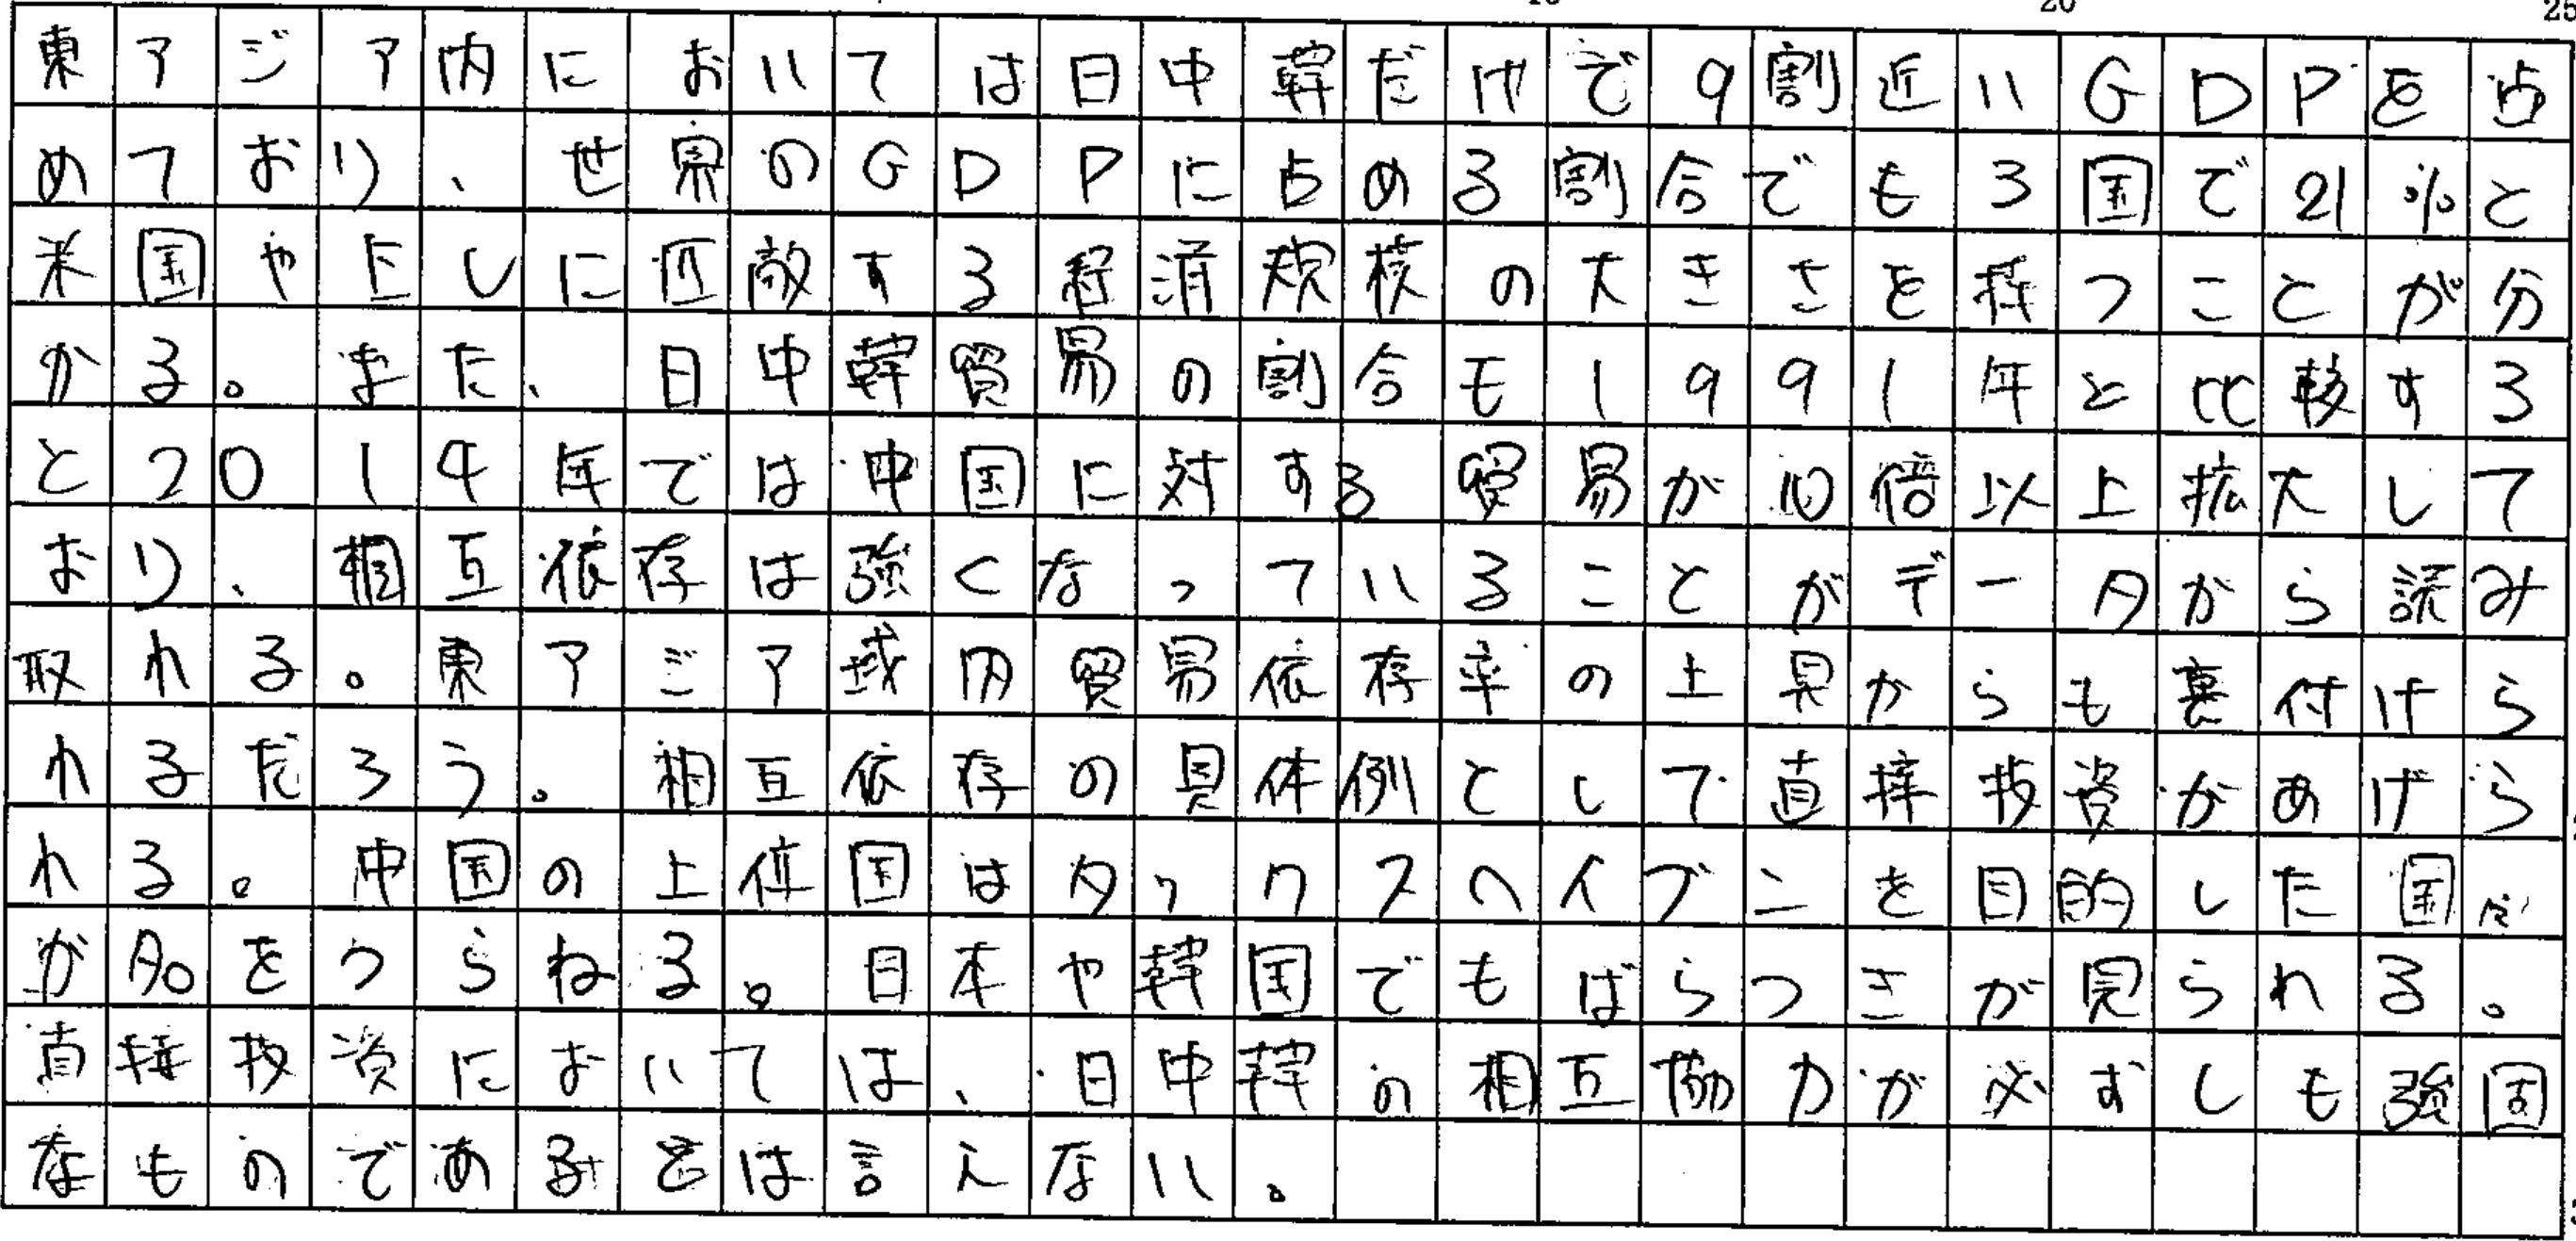東アジア内においては日中韓だけで９割近いＧＤＰを占めており、世界のＧＤＰに占める割合でも３国で21％と米国やＥＵに匹敵する経済規模の大きさを持つことが分かる。また、日中韓貿易の割合も１９９１年と比較すると２０１４年では中国に対する貿易が10倍以上拡大しており、相互依存は強くなっていることがデータから読み取れる。東アジア域内貿易依存率の上▁からも裏付けられるだろう。相互依存の具体例として直▁投資があげられる。中国の上位国はタックスヘイブンを目的した国々が名をつらねる。日本や韓国でもばらつきが見られる。直接▁資においては、日中韓の相互協力が必ずしも強固なものであるとは言えない。
